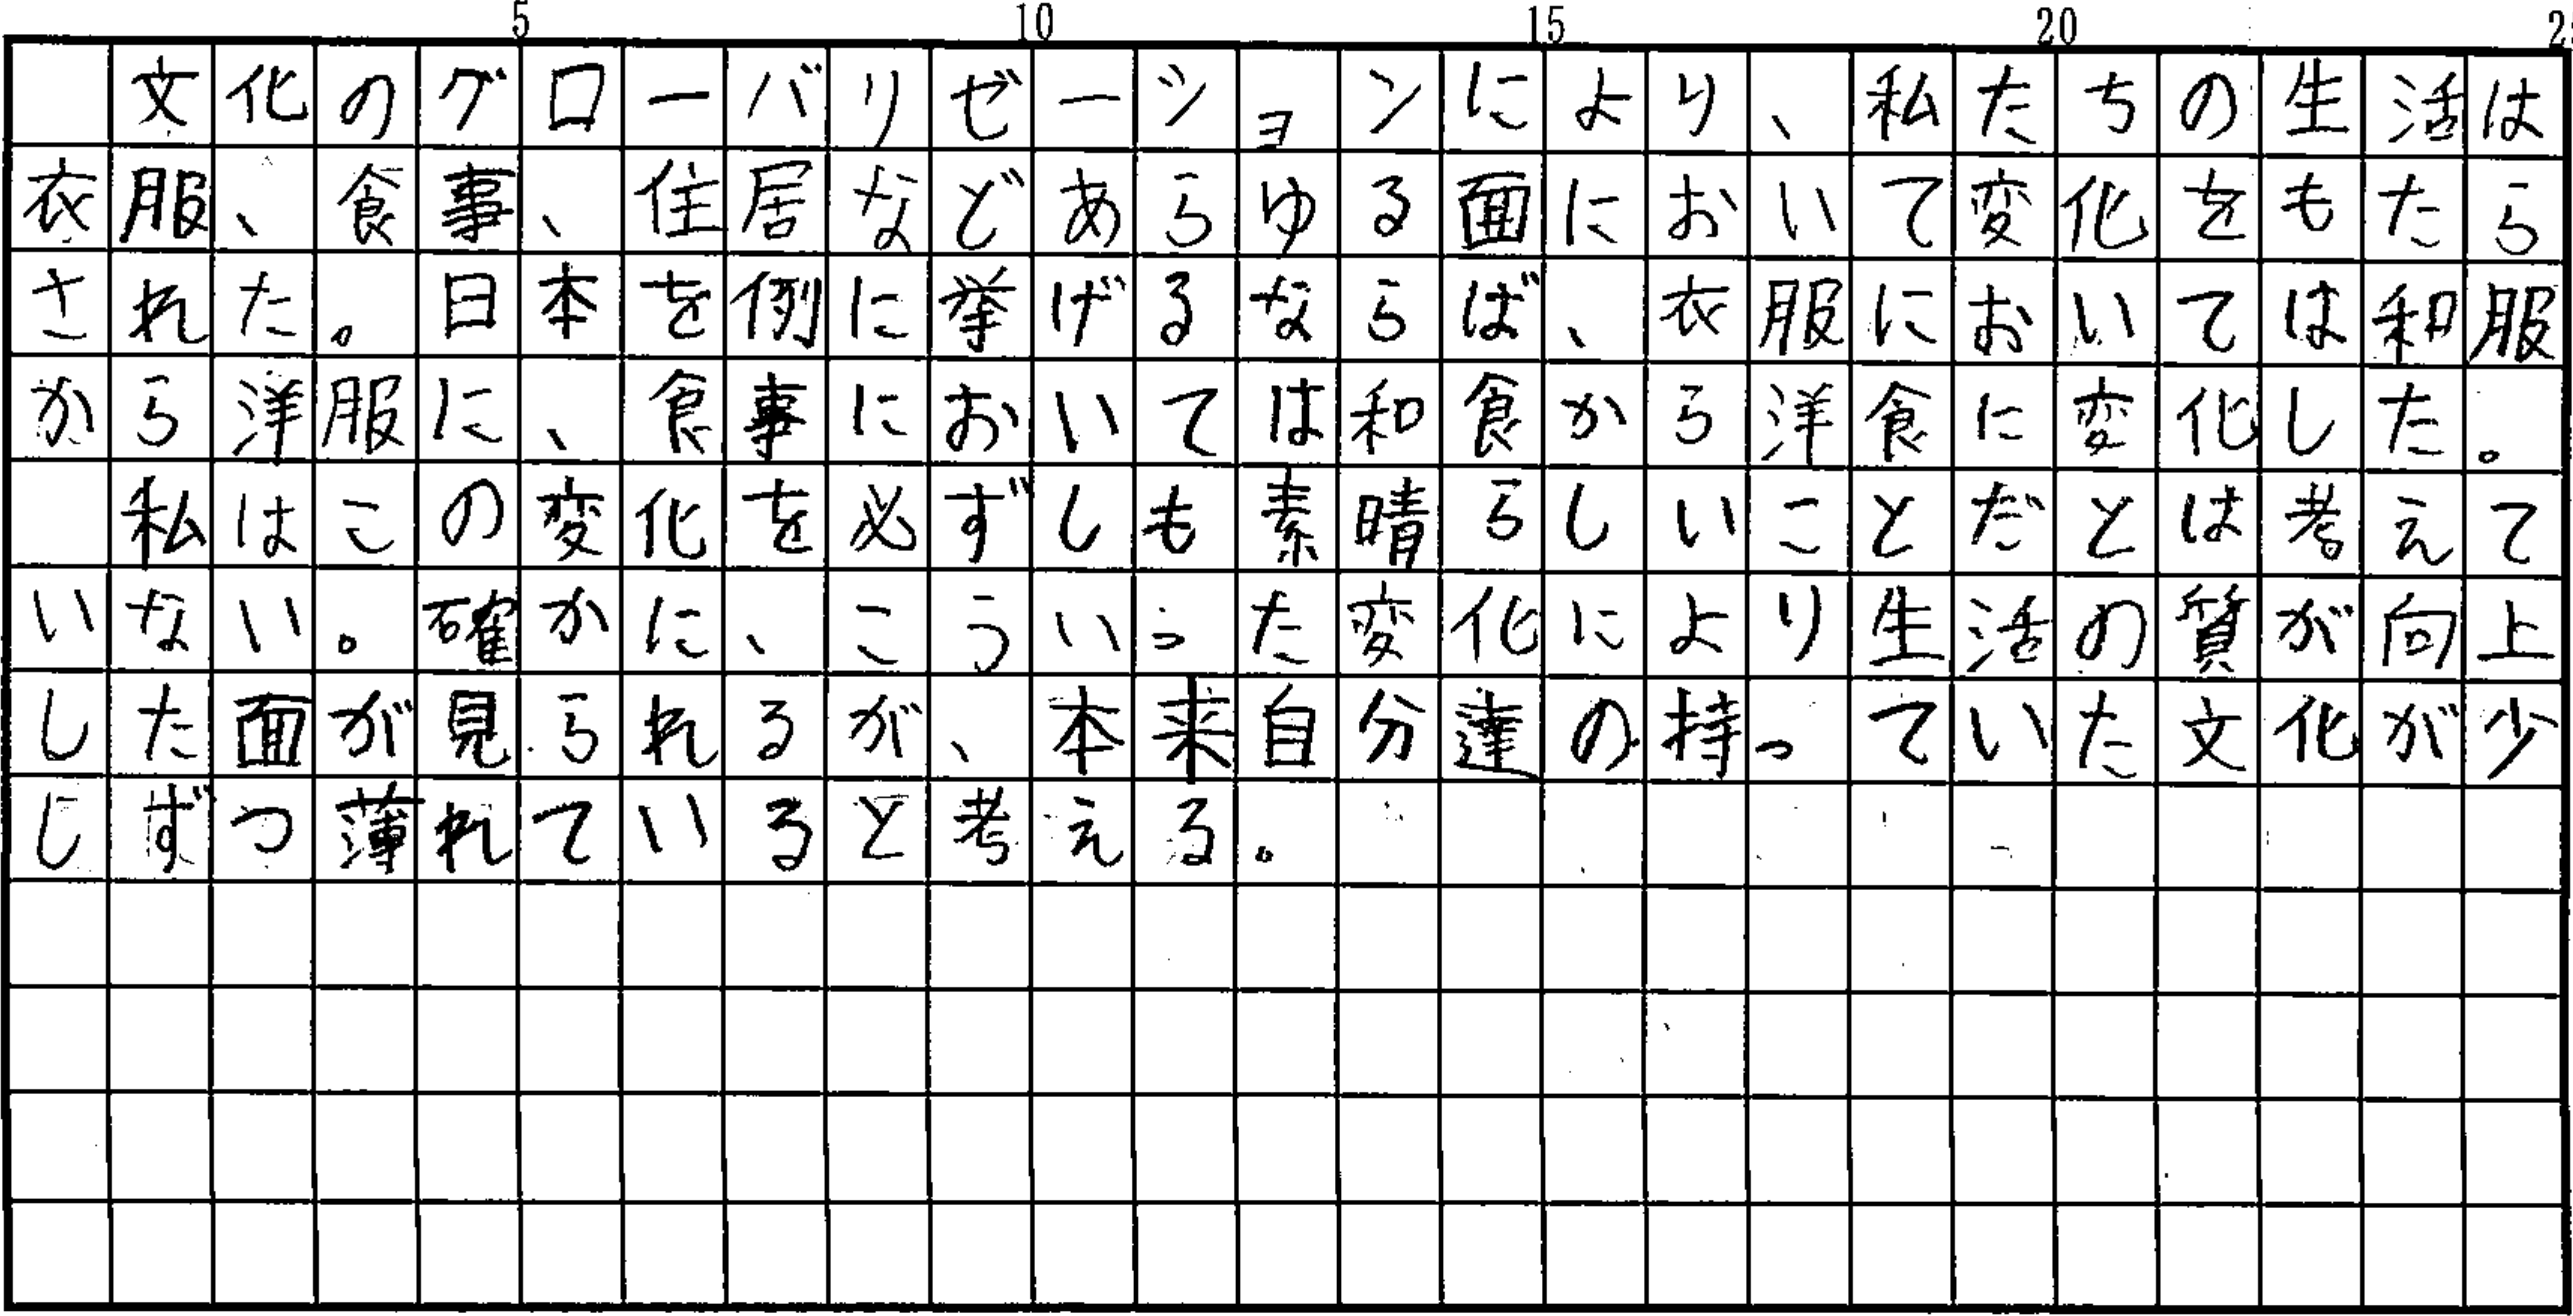　文化のグローバリゼーションにより、私たちの生活は衣服、食事、住居などあらゆる面において変化をもたらされた。日本を例に挙げるならば、衣服においては和服から洋服に、食事においては和食から洋食に変化した。
　私はこの変化を必ずしも素晴らしいことだとは考えていない。確かに、こういった変化により生活の質が向上した面が見られるが、本来自分達の持っていた文化が少しずつ薄れていると考える。
